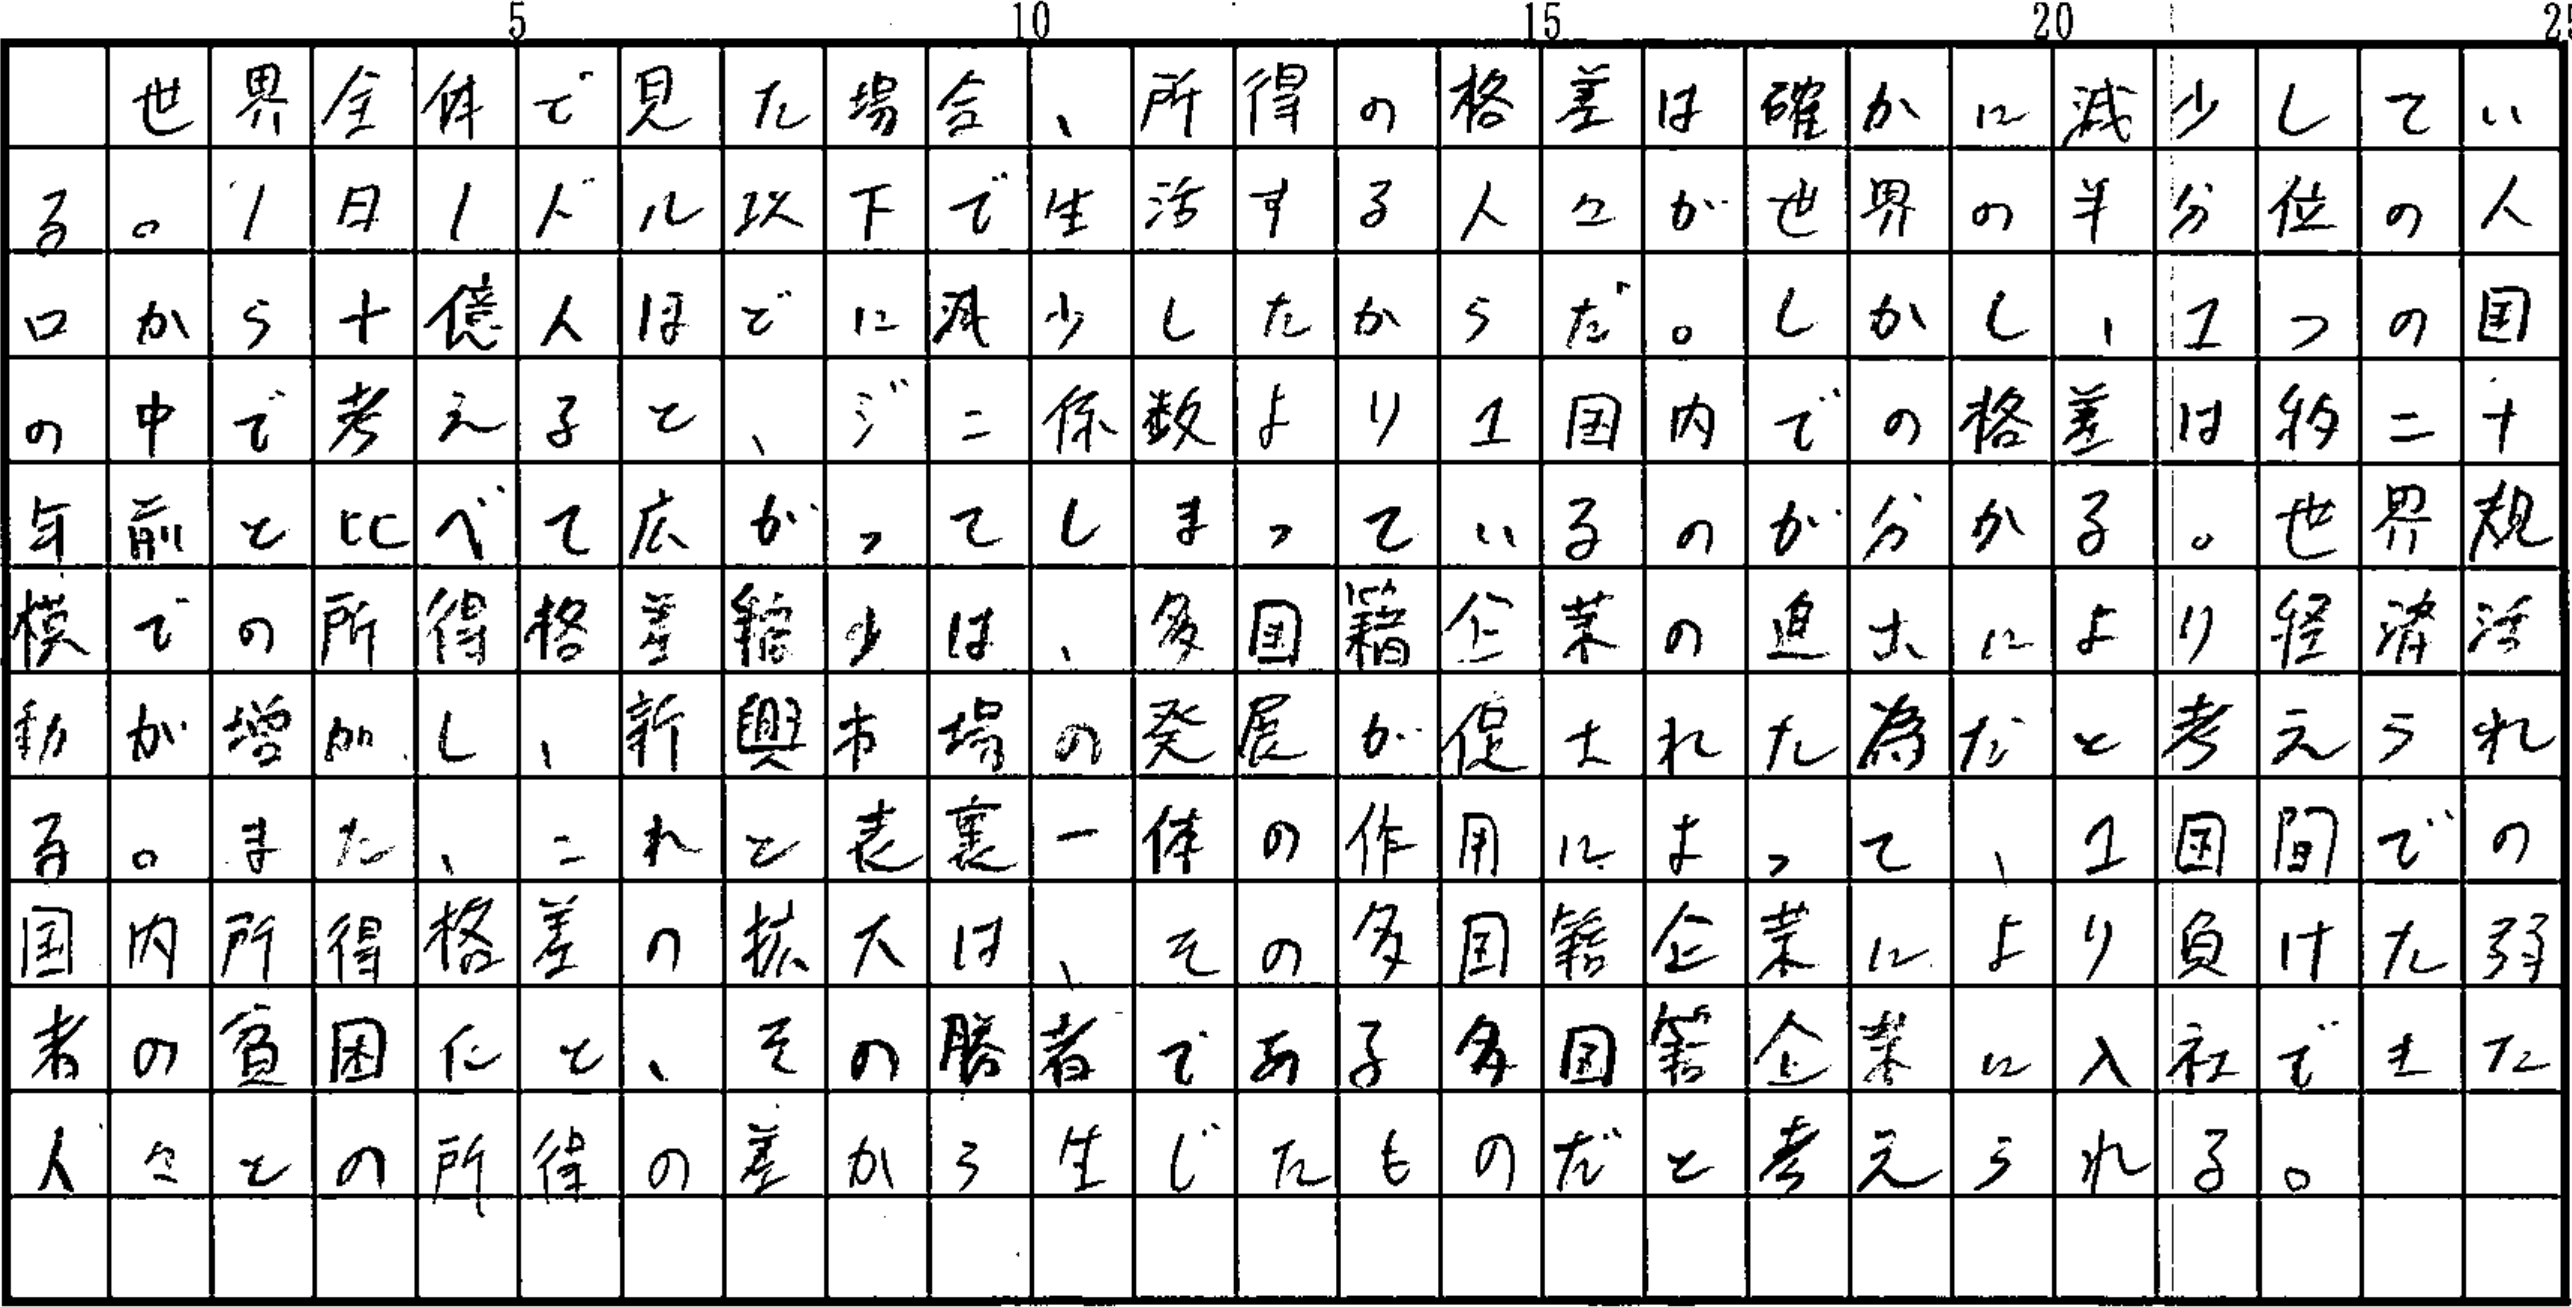　世界全体で見た場合、所得の格差は確かに減少している。１日１ドル以下で生活する人々が世界の半分位の人口から十億人ほどに減少したからだ。しかし、１つの国の中で考えると、ジニ係数より１国内での格差は約二十年前と比べて広がってしまっているのが分かる。世界規模での所得格差縮少は、多国籍企▁の進出により経済活動が増加し、新興市場の発展が促された為だと考えられる。また、これと表裏一体の作用によって、１国間での国内所得格差の拡大は、その多国籍企▁により負けた弱者の貧困化と、その勝者である多国籍企▁に入社できた人々との所得の差から生じたものだと考えられる。
